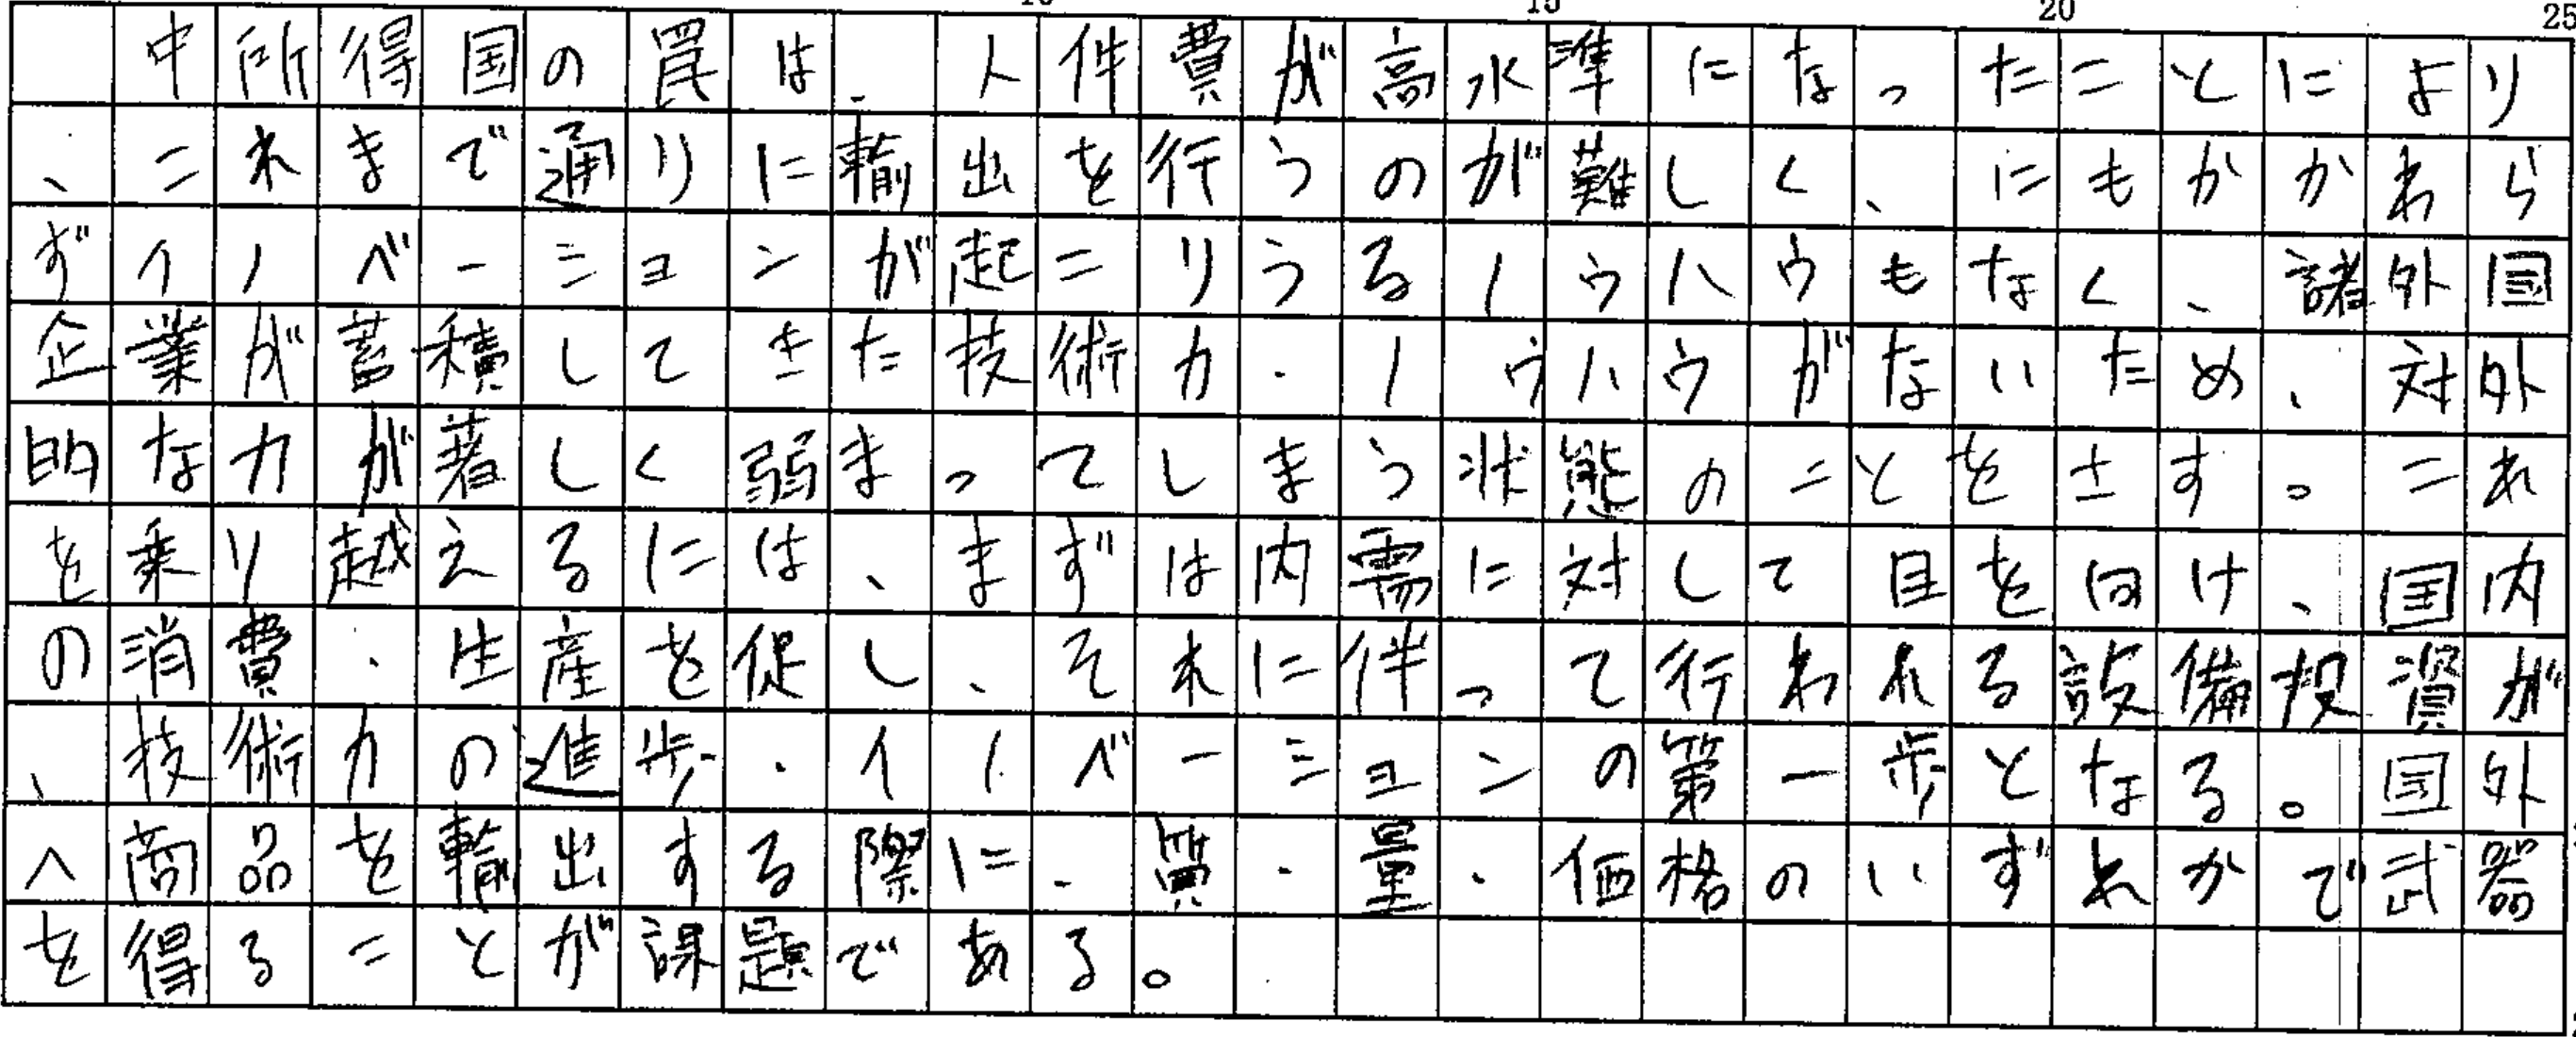　中所得国の罠は、人件費が高水準になったことにより、これまで通りに輸出を行うのが難しく、にもかかわらずイノベーションが起こりうるノウハウもなく、諸外国企業が蓄積してきた技術力、ノウハウがないため、対外的な力が著しく弱まってしまう状態のことをさす。これを乗り越えるには、まずは内需に対して目を向け、国内の消費・生産を促し、それに伴って行われる設備投資が、技術力の進歩・イノベーションの第一歩となる。国外へ商品を輸出する際に、質・量・価格のいずれかで武器を得ることが課題である。
